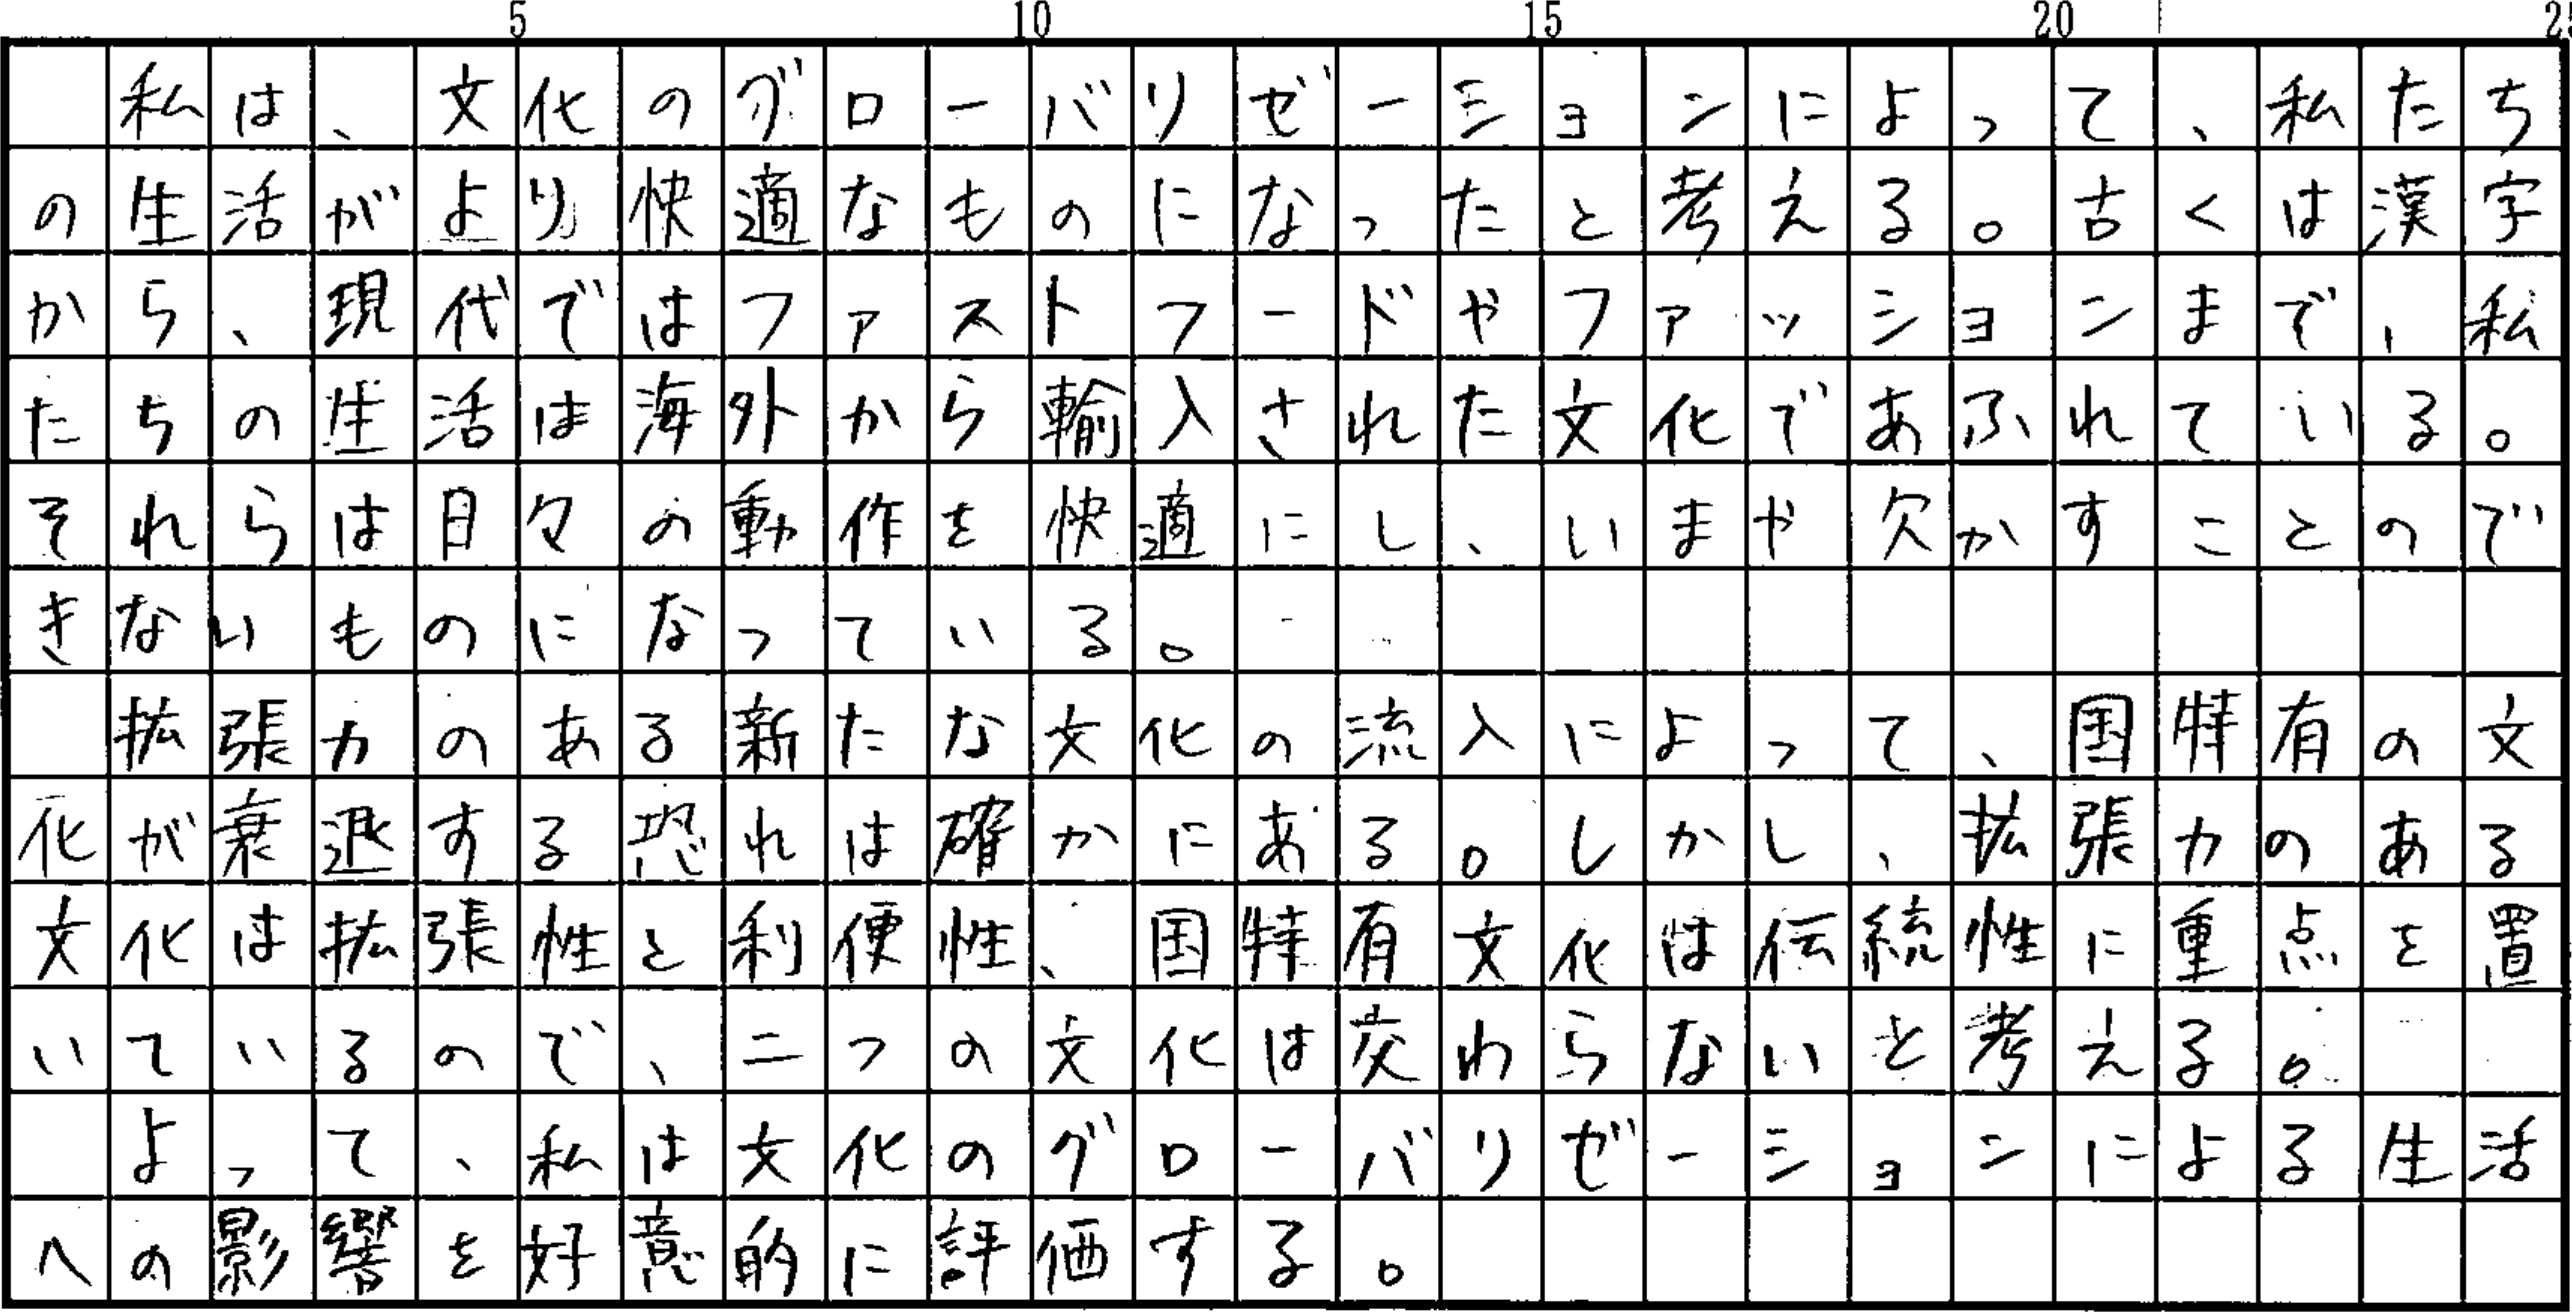　私は、文化のグローバリゼーションによって、私たちの生活がより快適なものになったと考える。古くは漢字から、現代ではファストフードやファッションまで、私たちの生活は海外から輸入された文化であふれている。それらは日々の動作を快適にし、いまや欠かすことのできないものになっている。
　拡張力のある新たな文化の流入によって、国特有の文化が衰退する恐れは確かにある。しかし、拡張力のある文化は拡張性と利便性、国特有文化は伝統性に重点を置いているので、二つの文化は交わらないと考える。
　よって、私は文化のグローバリゼーションによる生活への影響を好意的に評価する。
